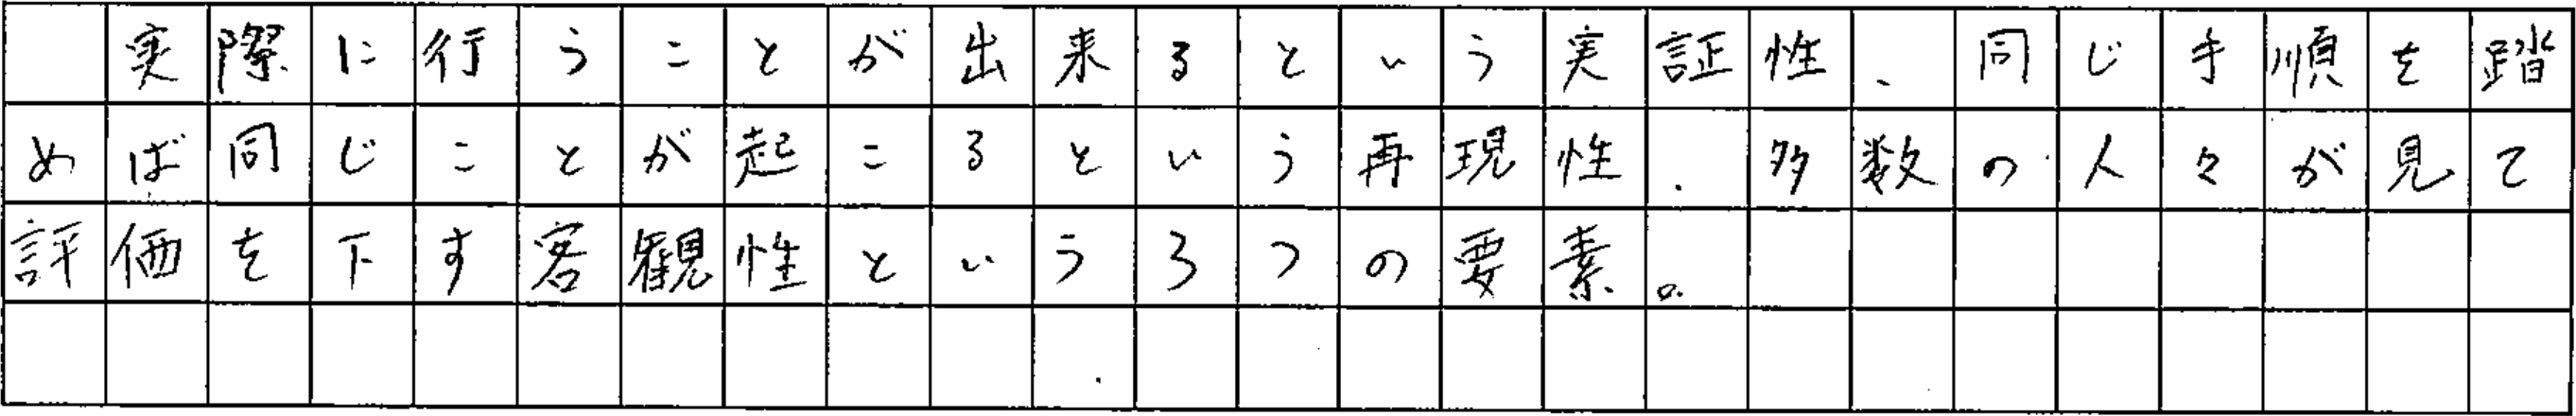　実際に行うことが出来るという実証性、同じ手順を踏めば同じことが起こるという再現性、多数の人々が見て評価を下す客観性という３つの要素。
